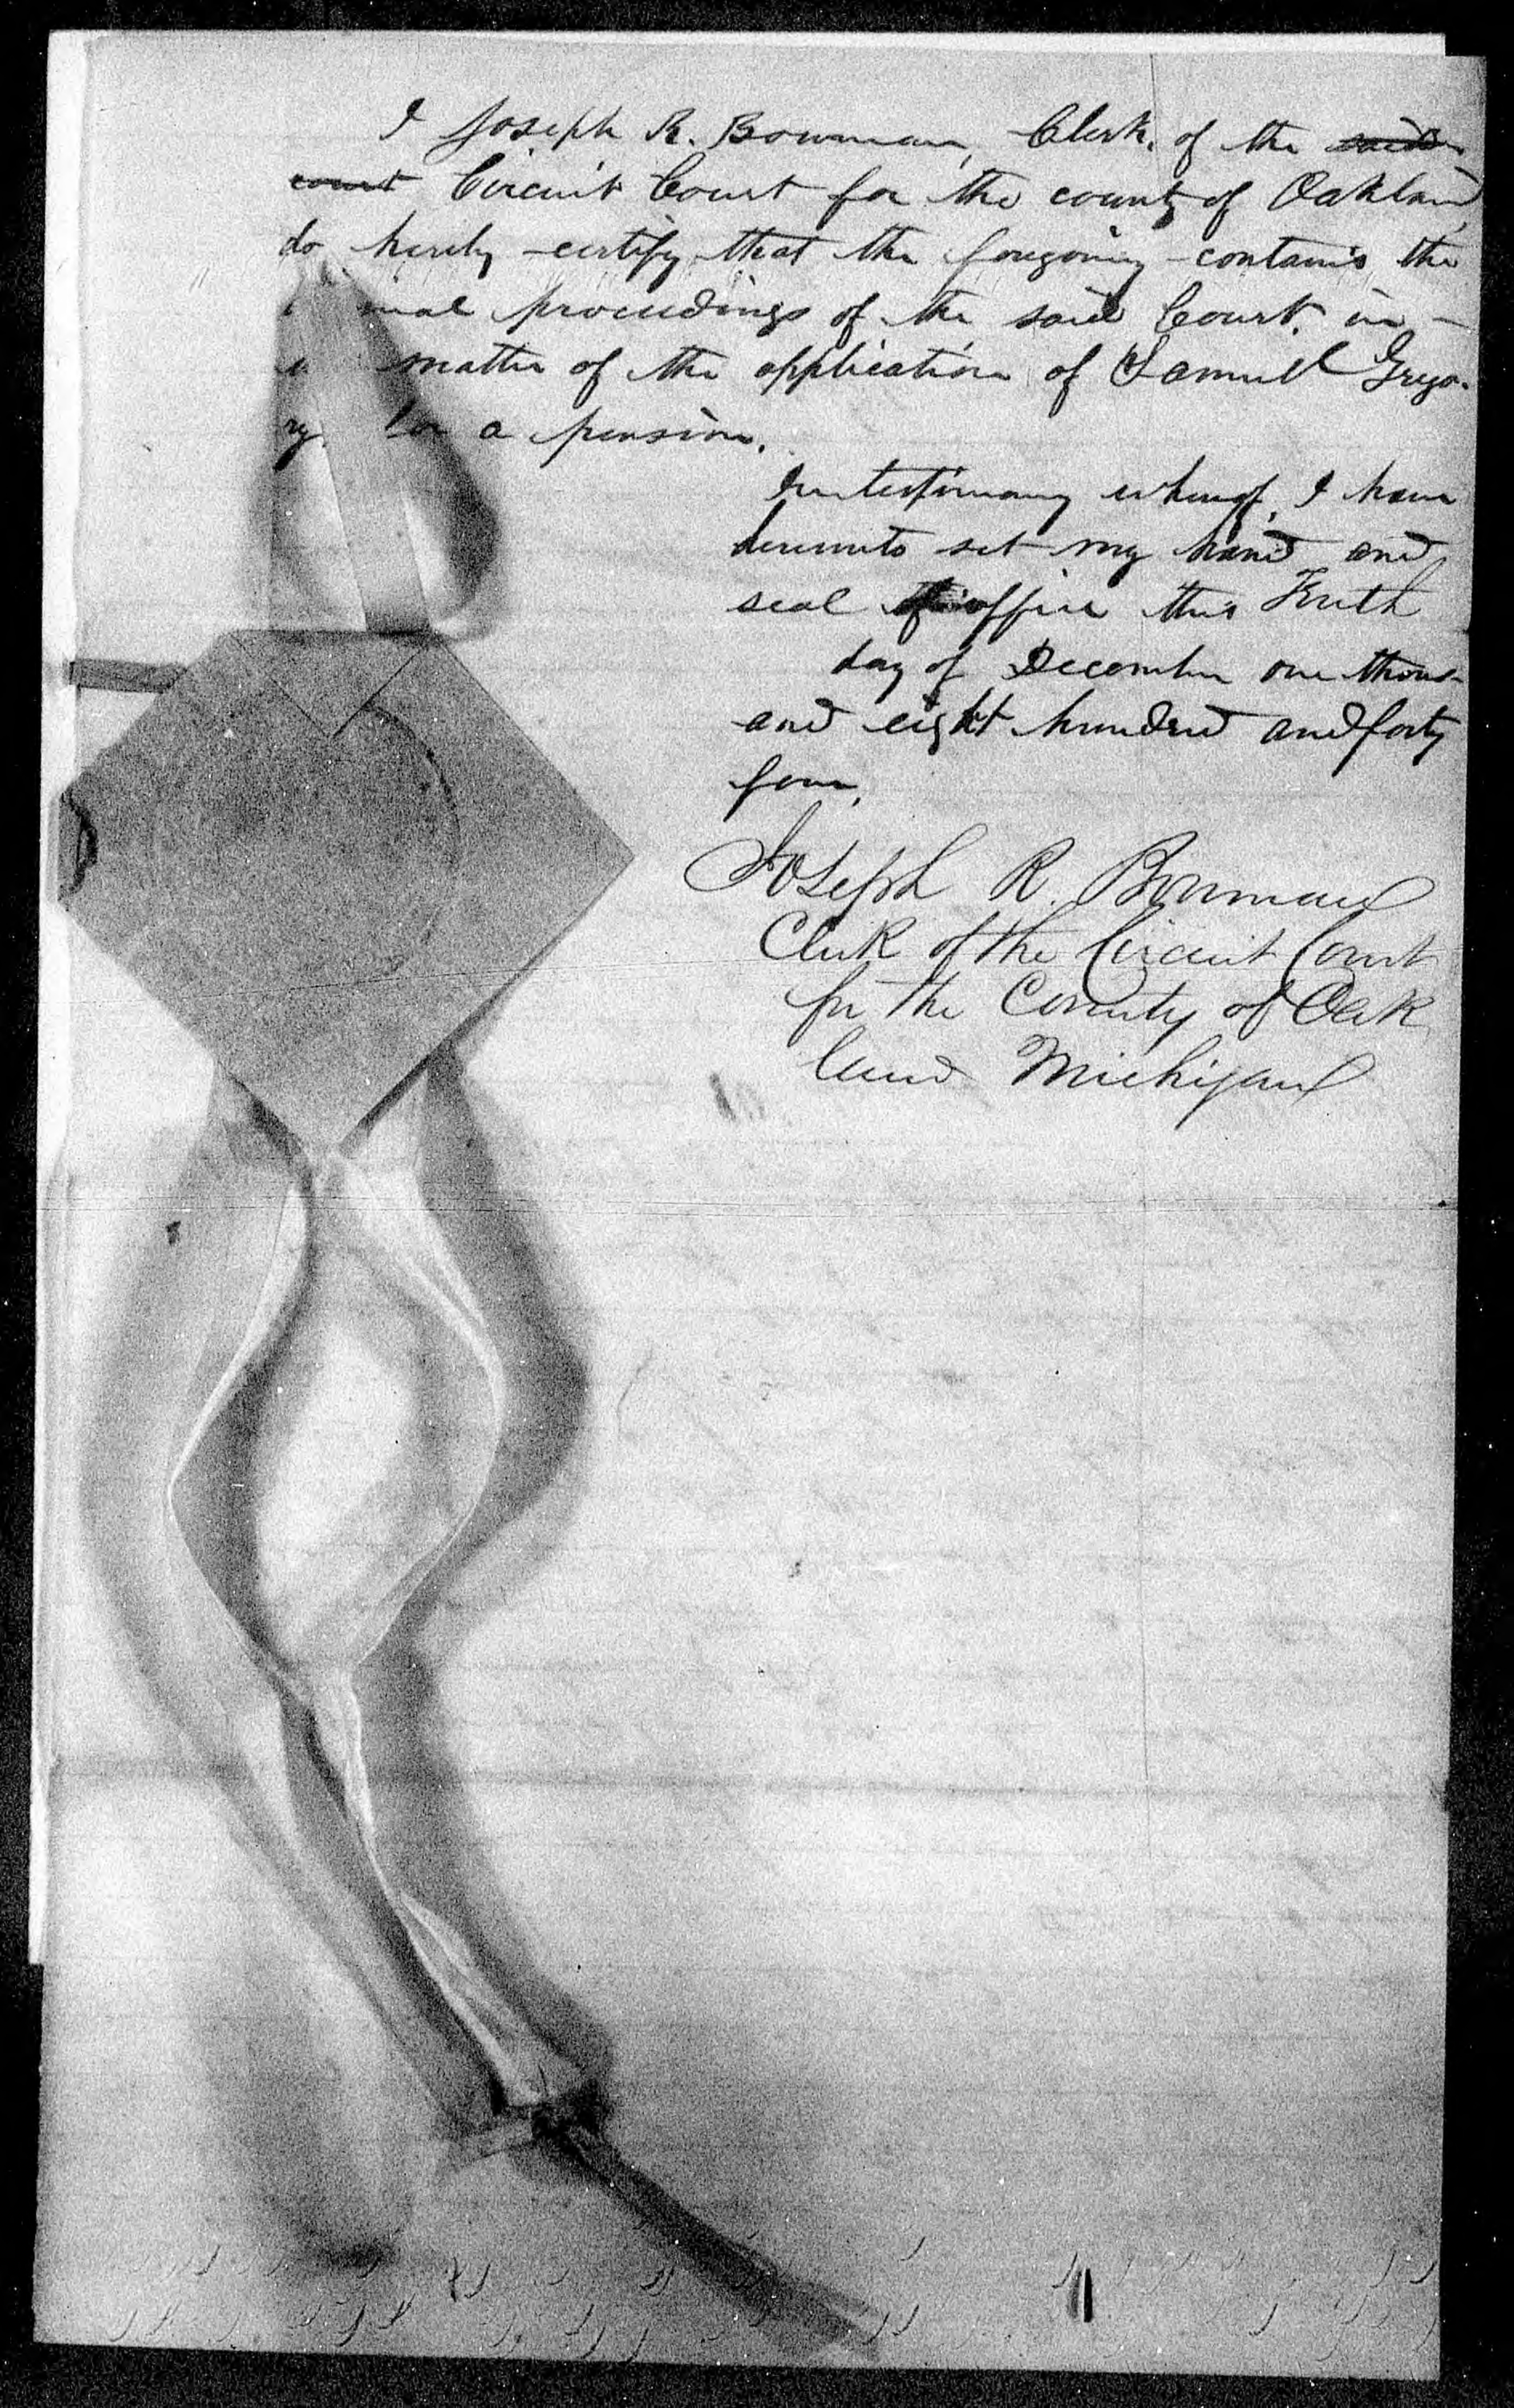I Joseph R Bowman, Clerk of the circuit court for the county of Putnam do hereby certify that the foregoing contains the [illegible] proceedings of the said court in the matter of the applications of Samuel Gregory for a pension.

[illegible] whereof I have hereunto set my hand and seal of office this fourth day of December one thousand eight hundred and forty four

Joseph R. Bowman
Clerk of the circuit court for the county of Oakland Mic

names: Joseph R Bowman, Samuel Gregory, Joseph R Bowman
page: 8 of 66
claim: rejected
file: R. 4298, Samuel Gregory, New York